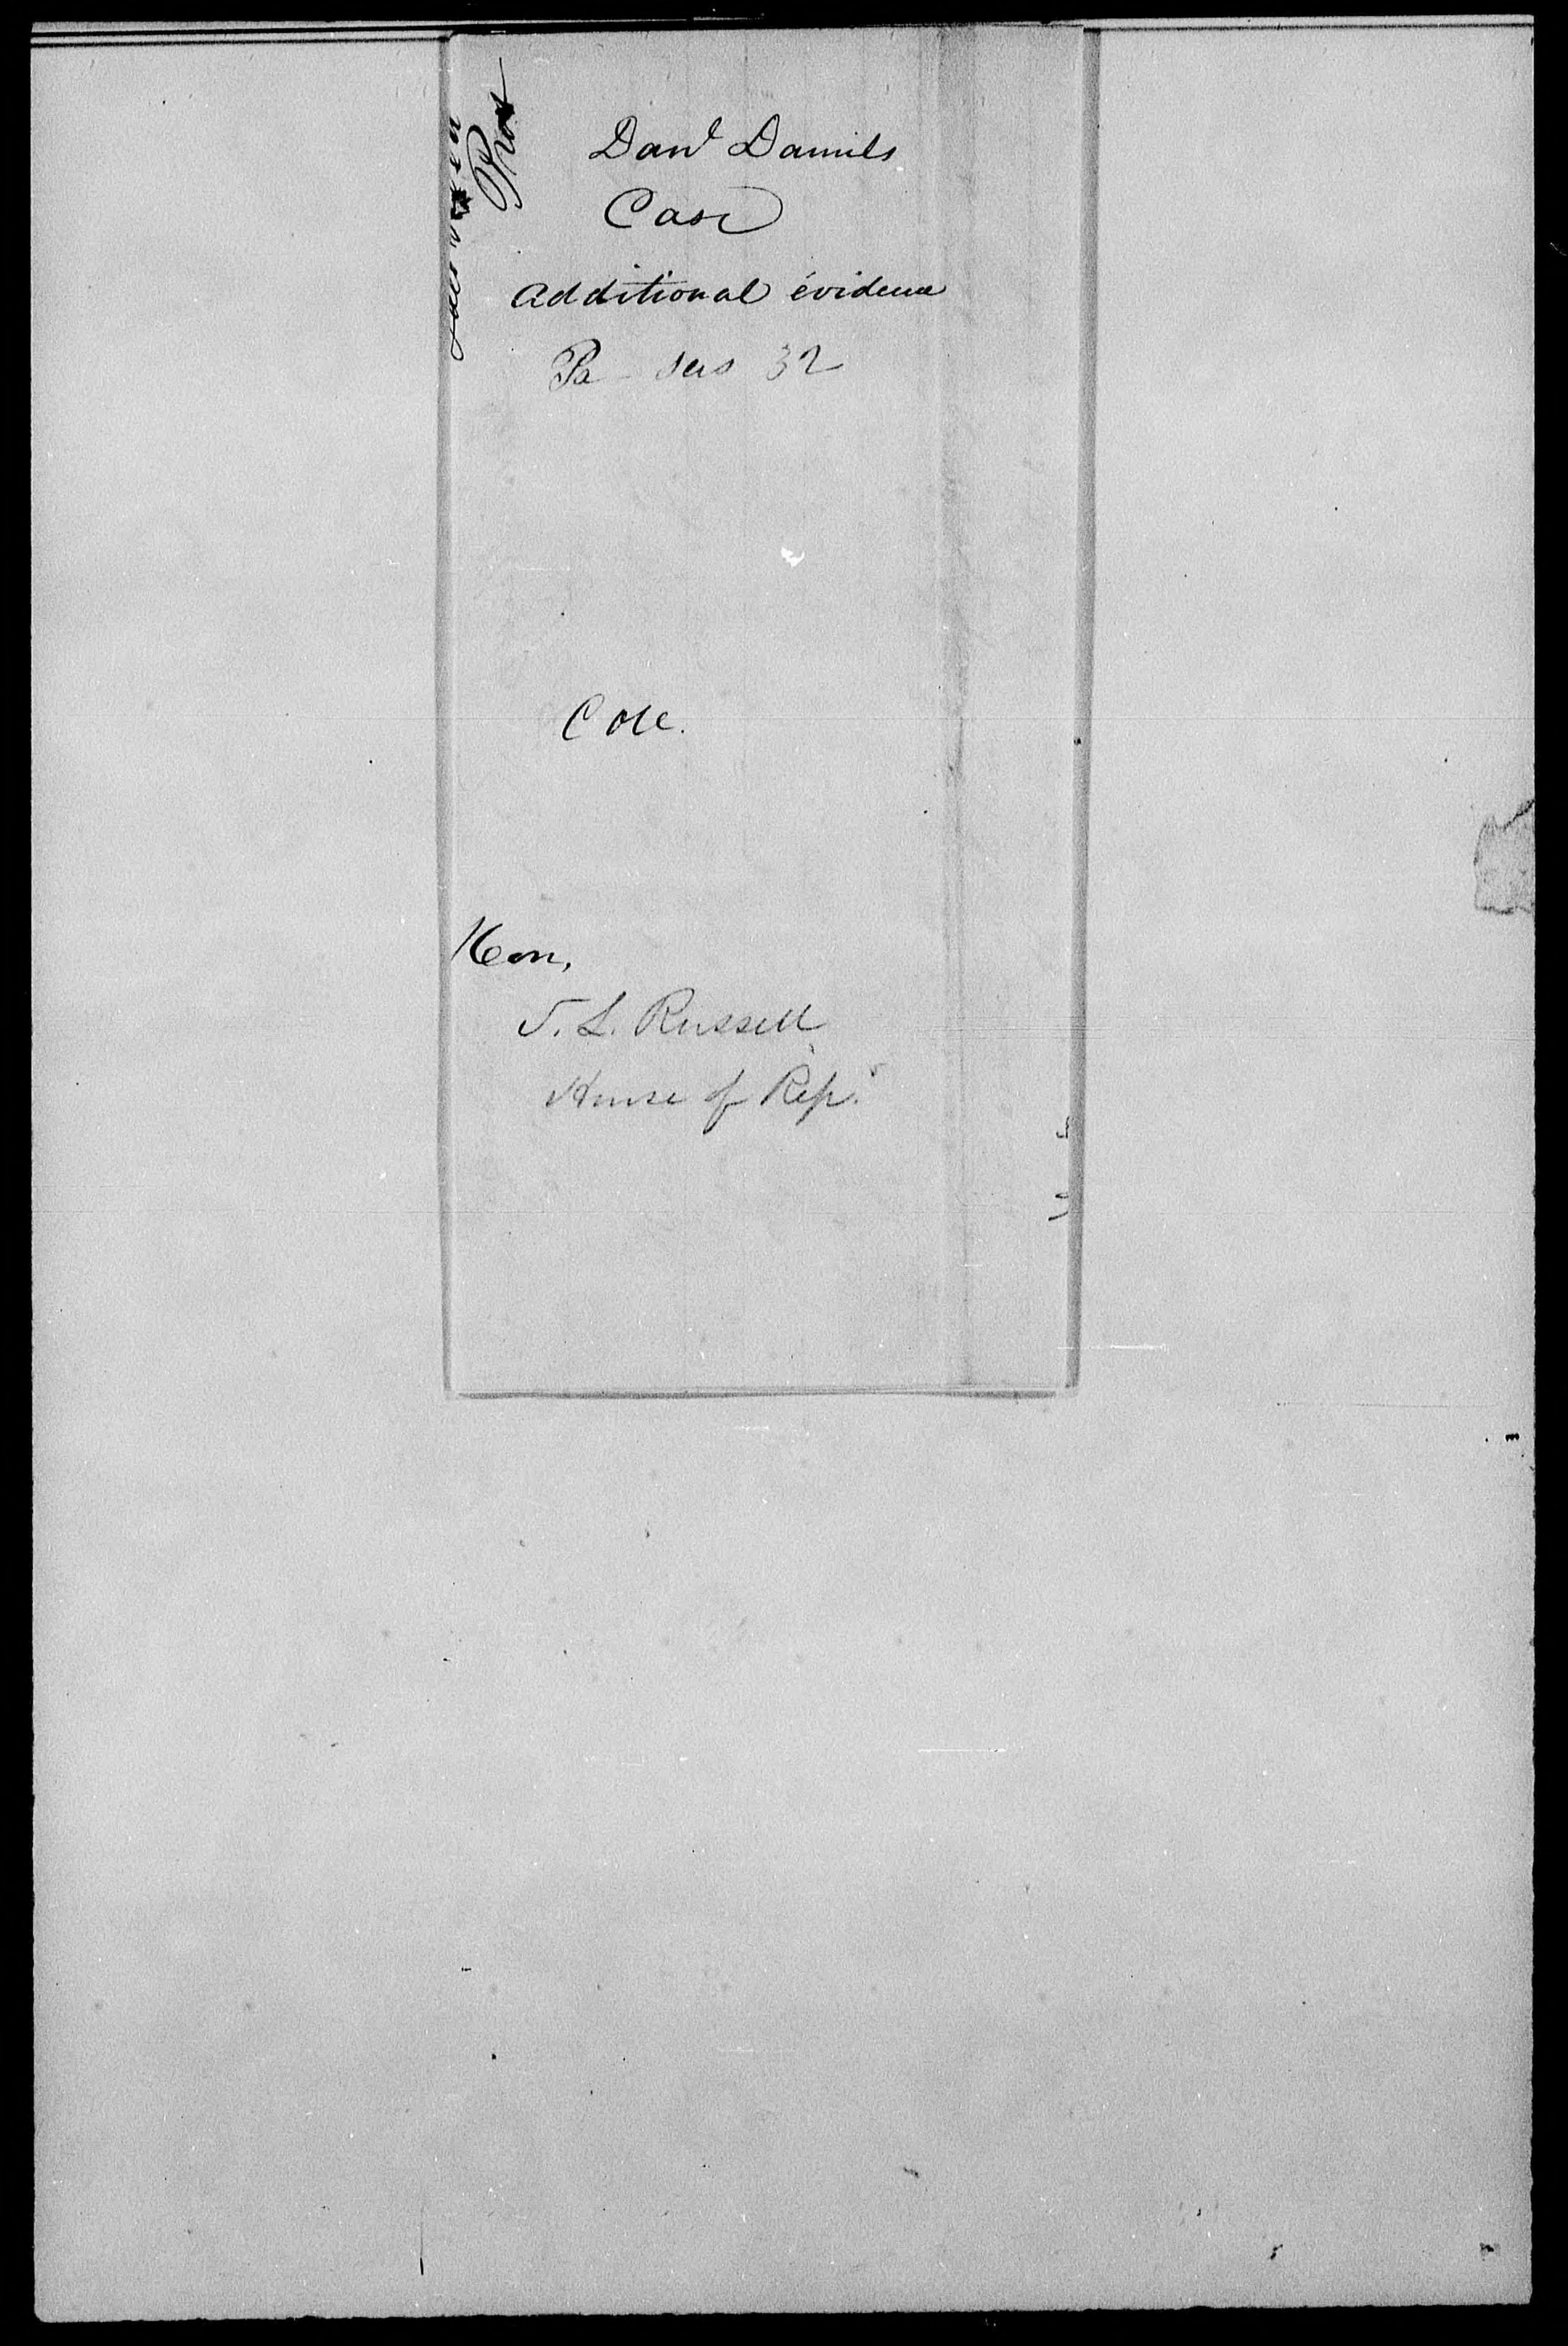Danl Daniels
Case
additional evidence
Pa sas 32
Cole
Hon.
S. L. Russell
House of Rep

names: Cole, S L Russell, Danl Daniels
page: 6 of 35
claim: rejected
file: R. 2,650, Daniel Daniels, Penn.